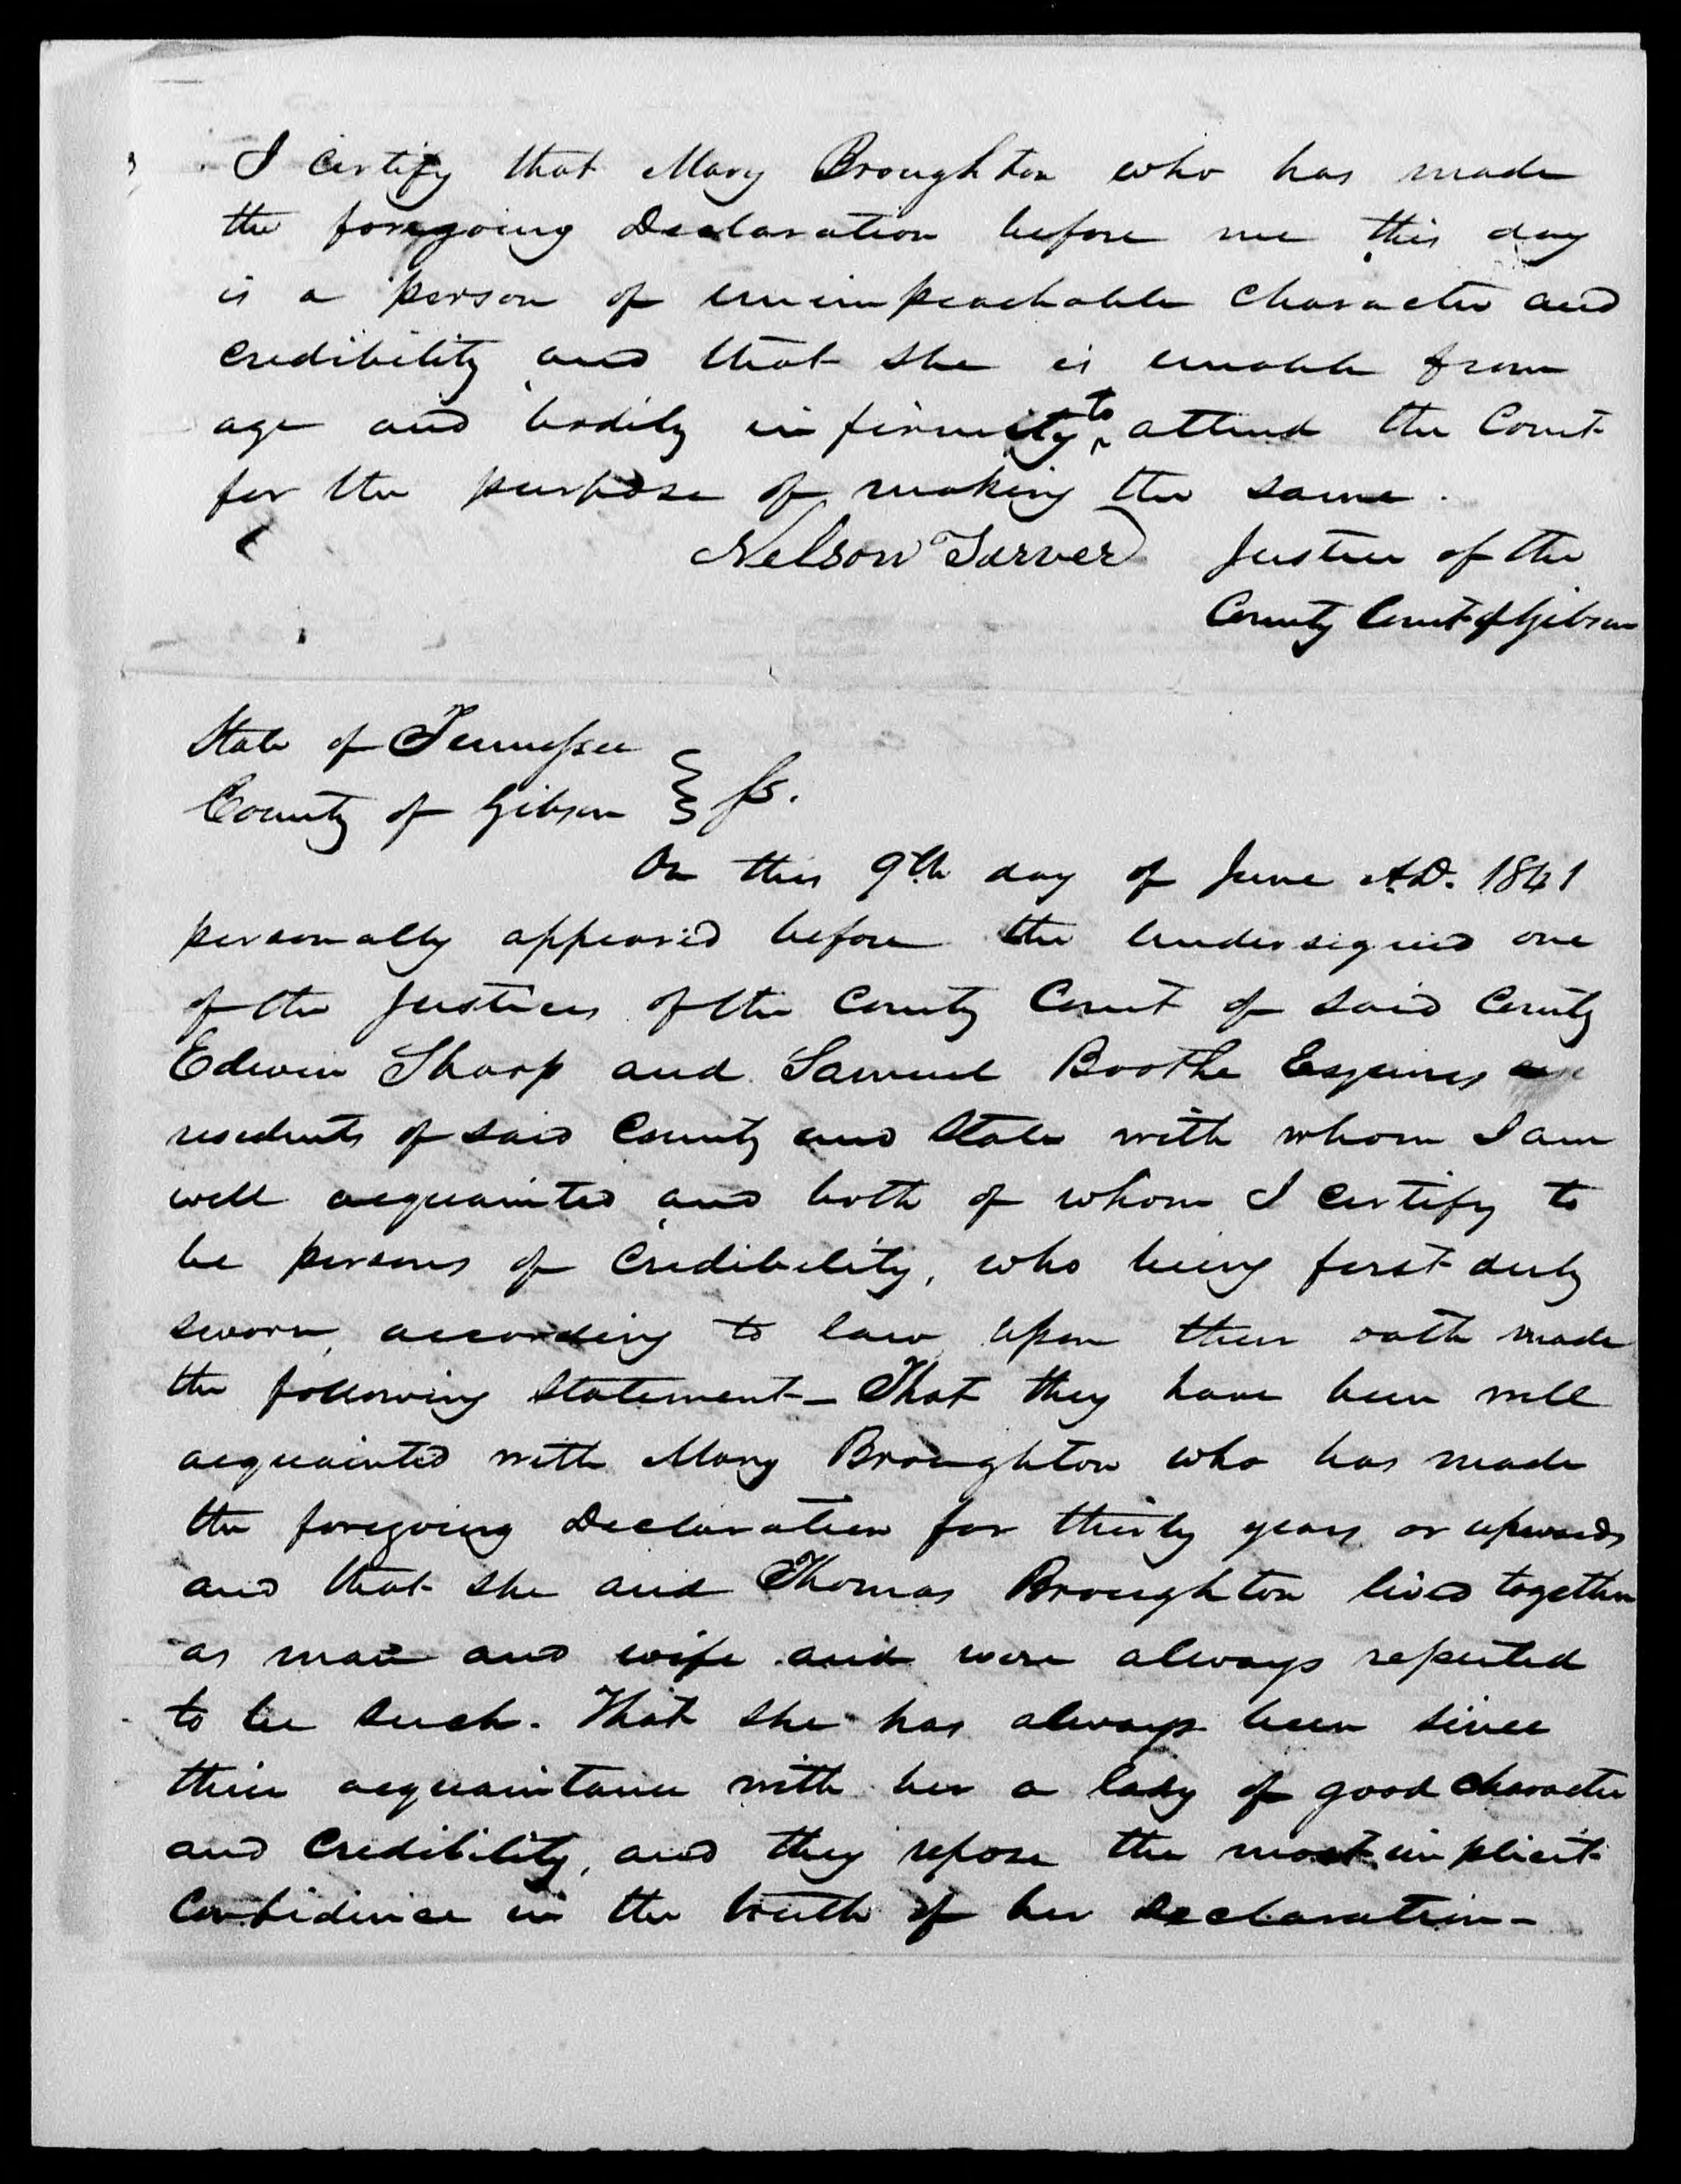I certify that Mary Broughton who has made the foregoing Declaration before me this day is a person of unimpeachable character and credibility and that she is unable from age and bodily infirmity to attend the Court for the purpose of making the same.
Nelson Tarver Justice of the County Court of 

State of Tennessee}
County of Gibson} SS.
On this 9th day of June A.D. 1841 personally appeared before the undersigned one of the Justices of the County Court of said County Edwin thorp and Samuel Boothe Esquires residents of said County and State with whom I am well acquainted and both of whom I certify to be persons of credibility, who being first duly sworn, according to law Upon their oath made the following statements - that they have been well acquainted with Mary Broughton who has made the foregoing Declaration for thirty years or upwards and that she and Thomas Broughton lived together as man and wife and were always reputed to be such.  That she has always been since their acquaintance with her a lady of good character and credibility and they repose the most implicit confidence in the truth of her Declaration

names: Mary Broughton, Mary Broughton, Nelson Tarver, Thomas Broughton, Edwin Sharp, Samuel Boothe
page: 17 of 72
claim: widow's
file: W. 897, Thomas Broughton, S.C.